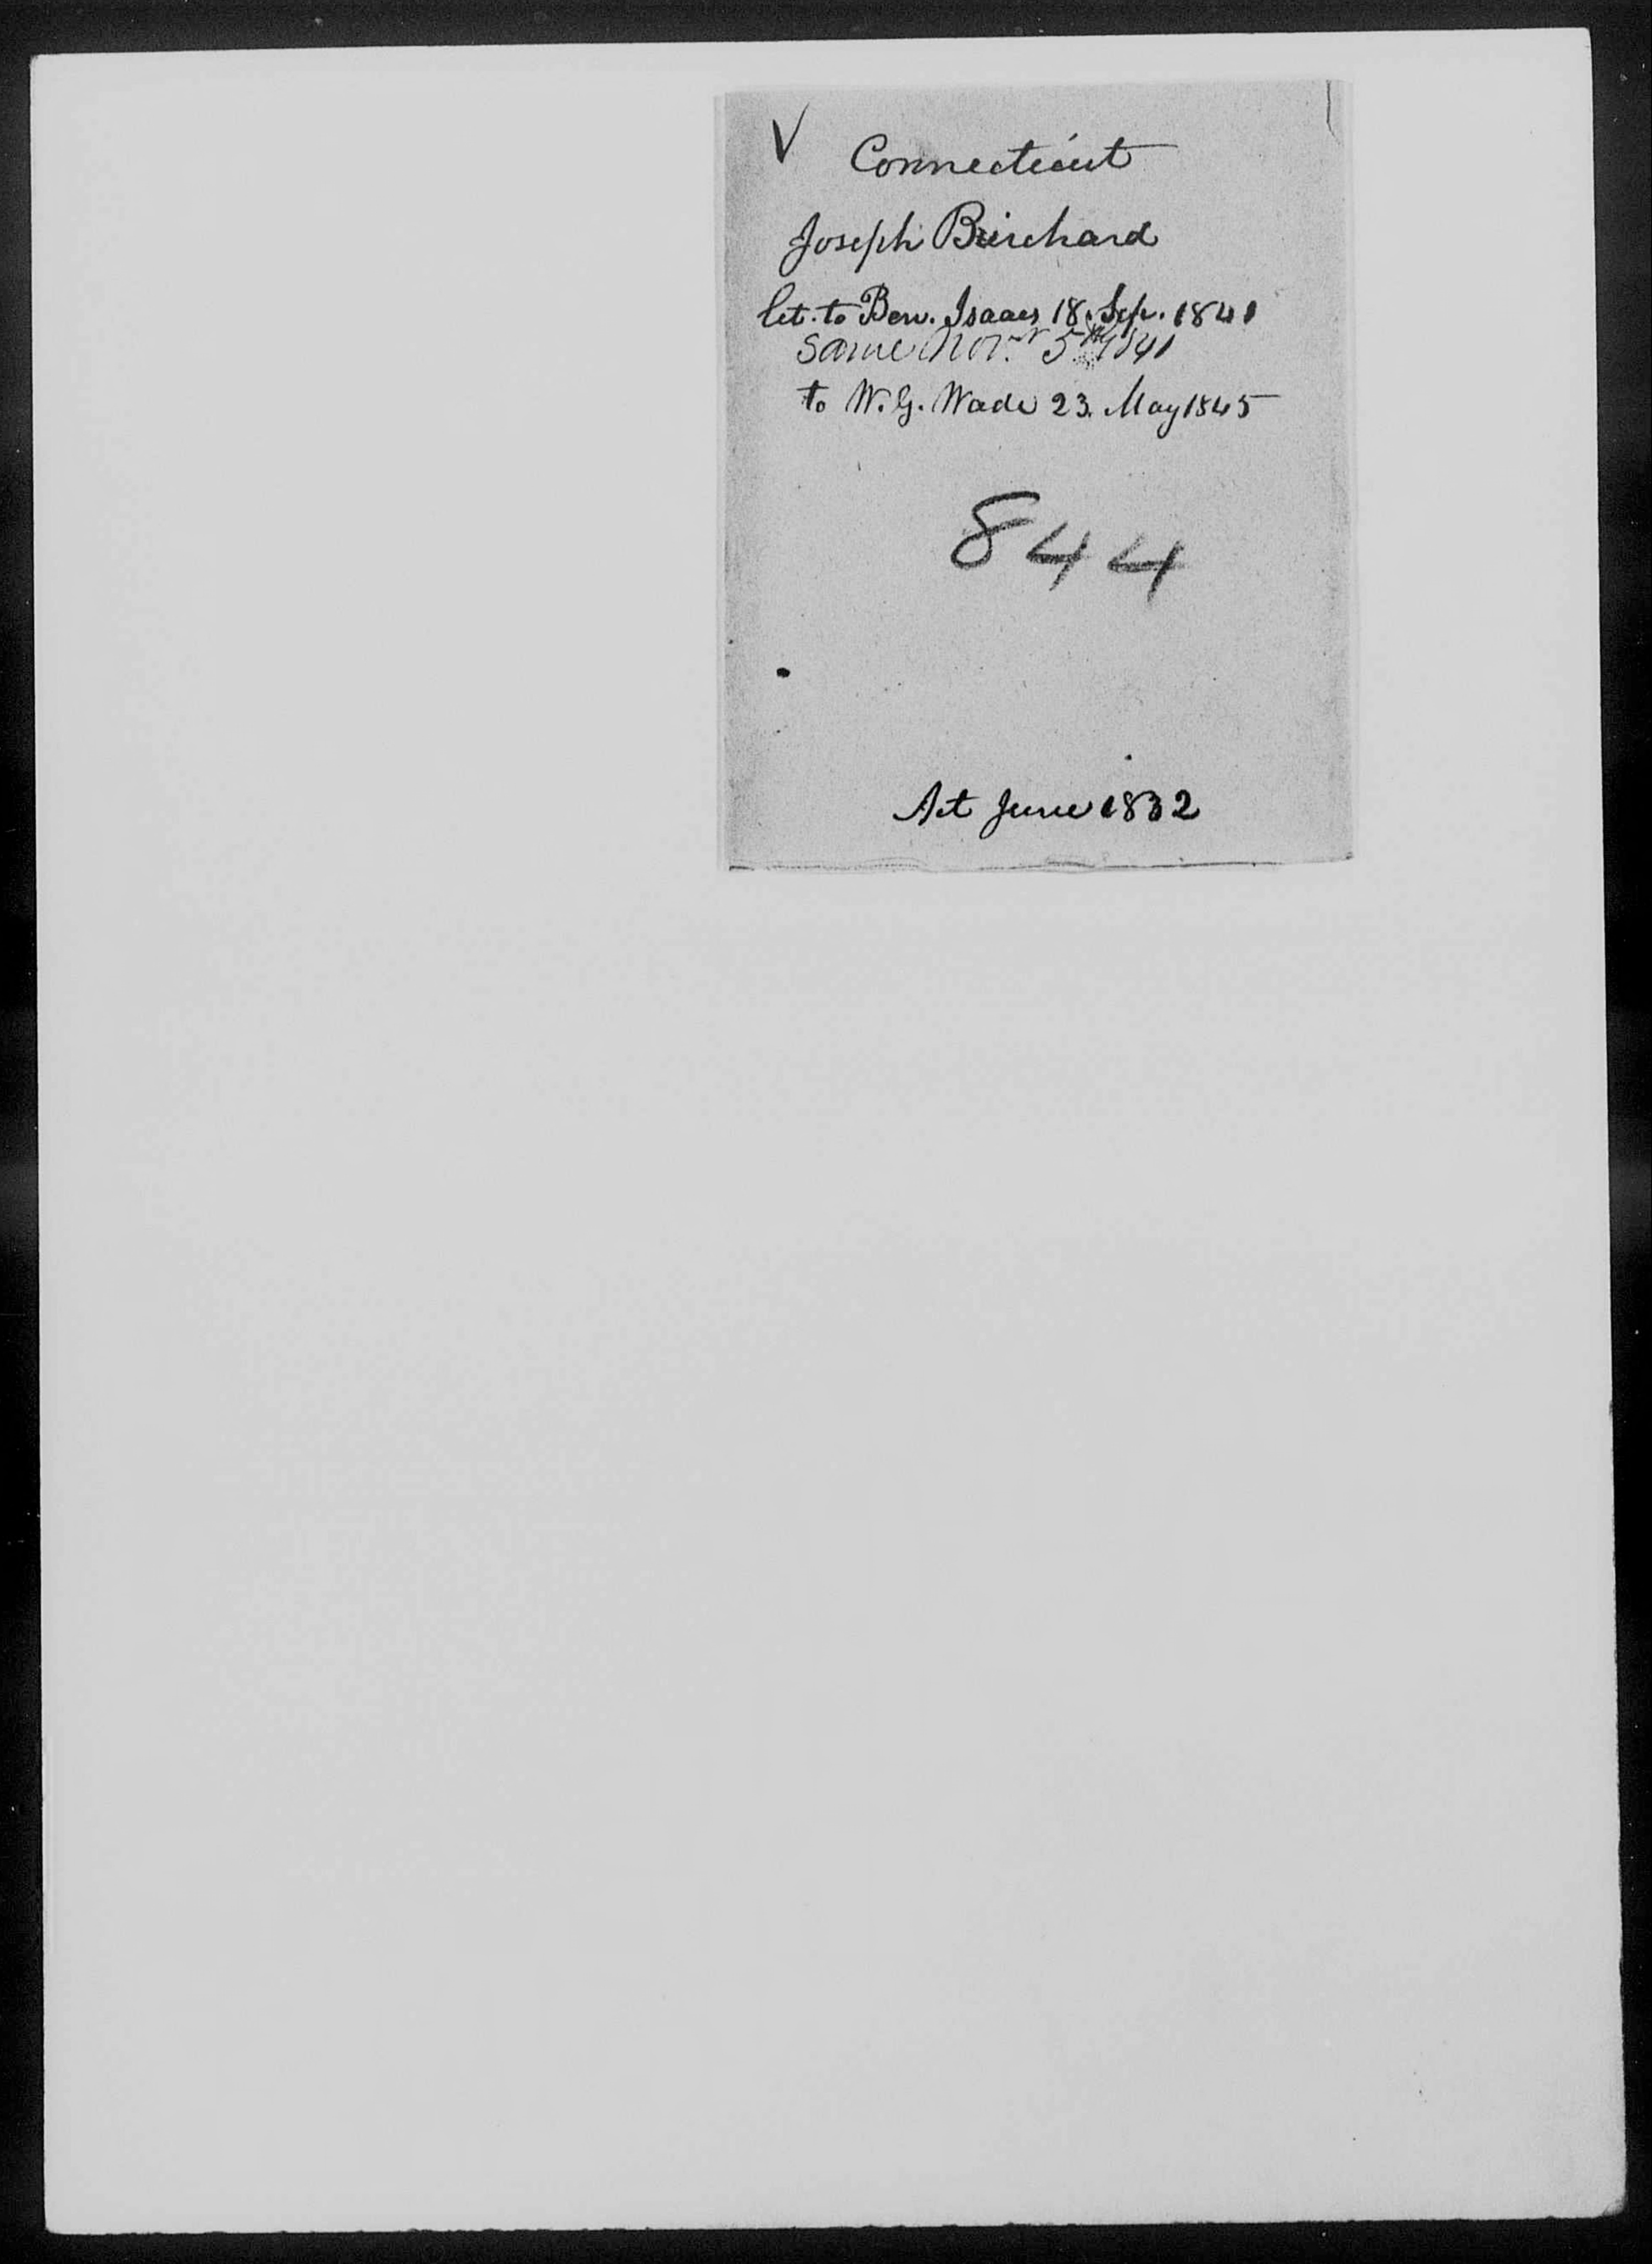V 
Connecticut
Joseph Birchard
let to Ben. Isaacs 18 Sep. 1841
same November 5th 1841

to W.G. Wade 23 May 1845

844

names: W G Wade, Joseph Birchard, Ben Isaacs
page: 10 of 18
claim: rejected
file: R. 844, Joseph Birchard, Conn.